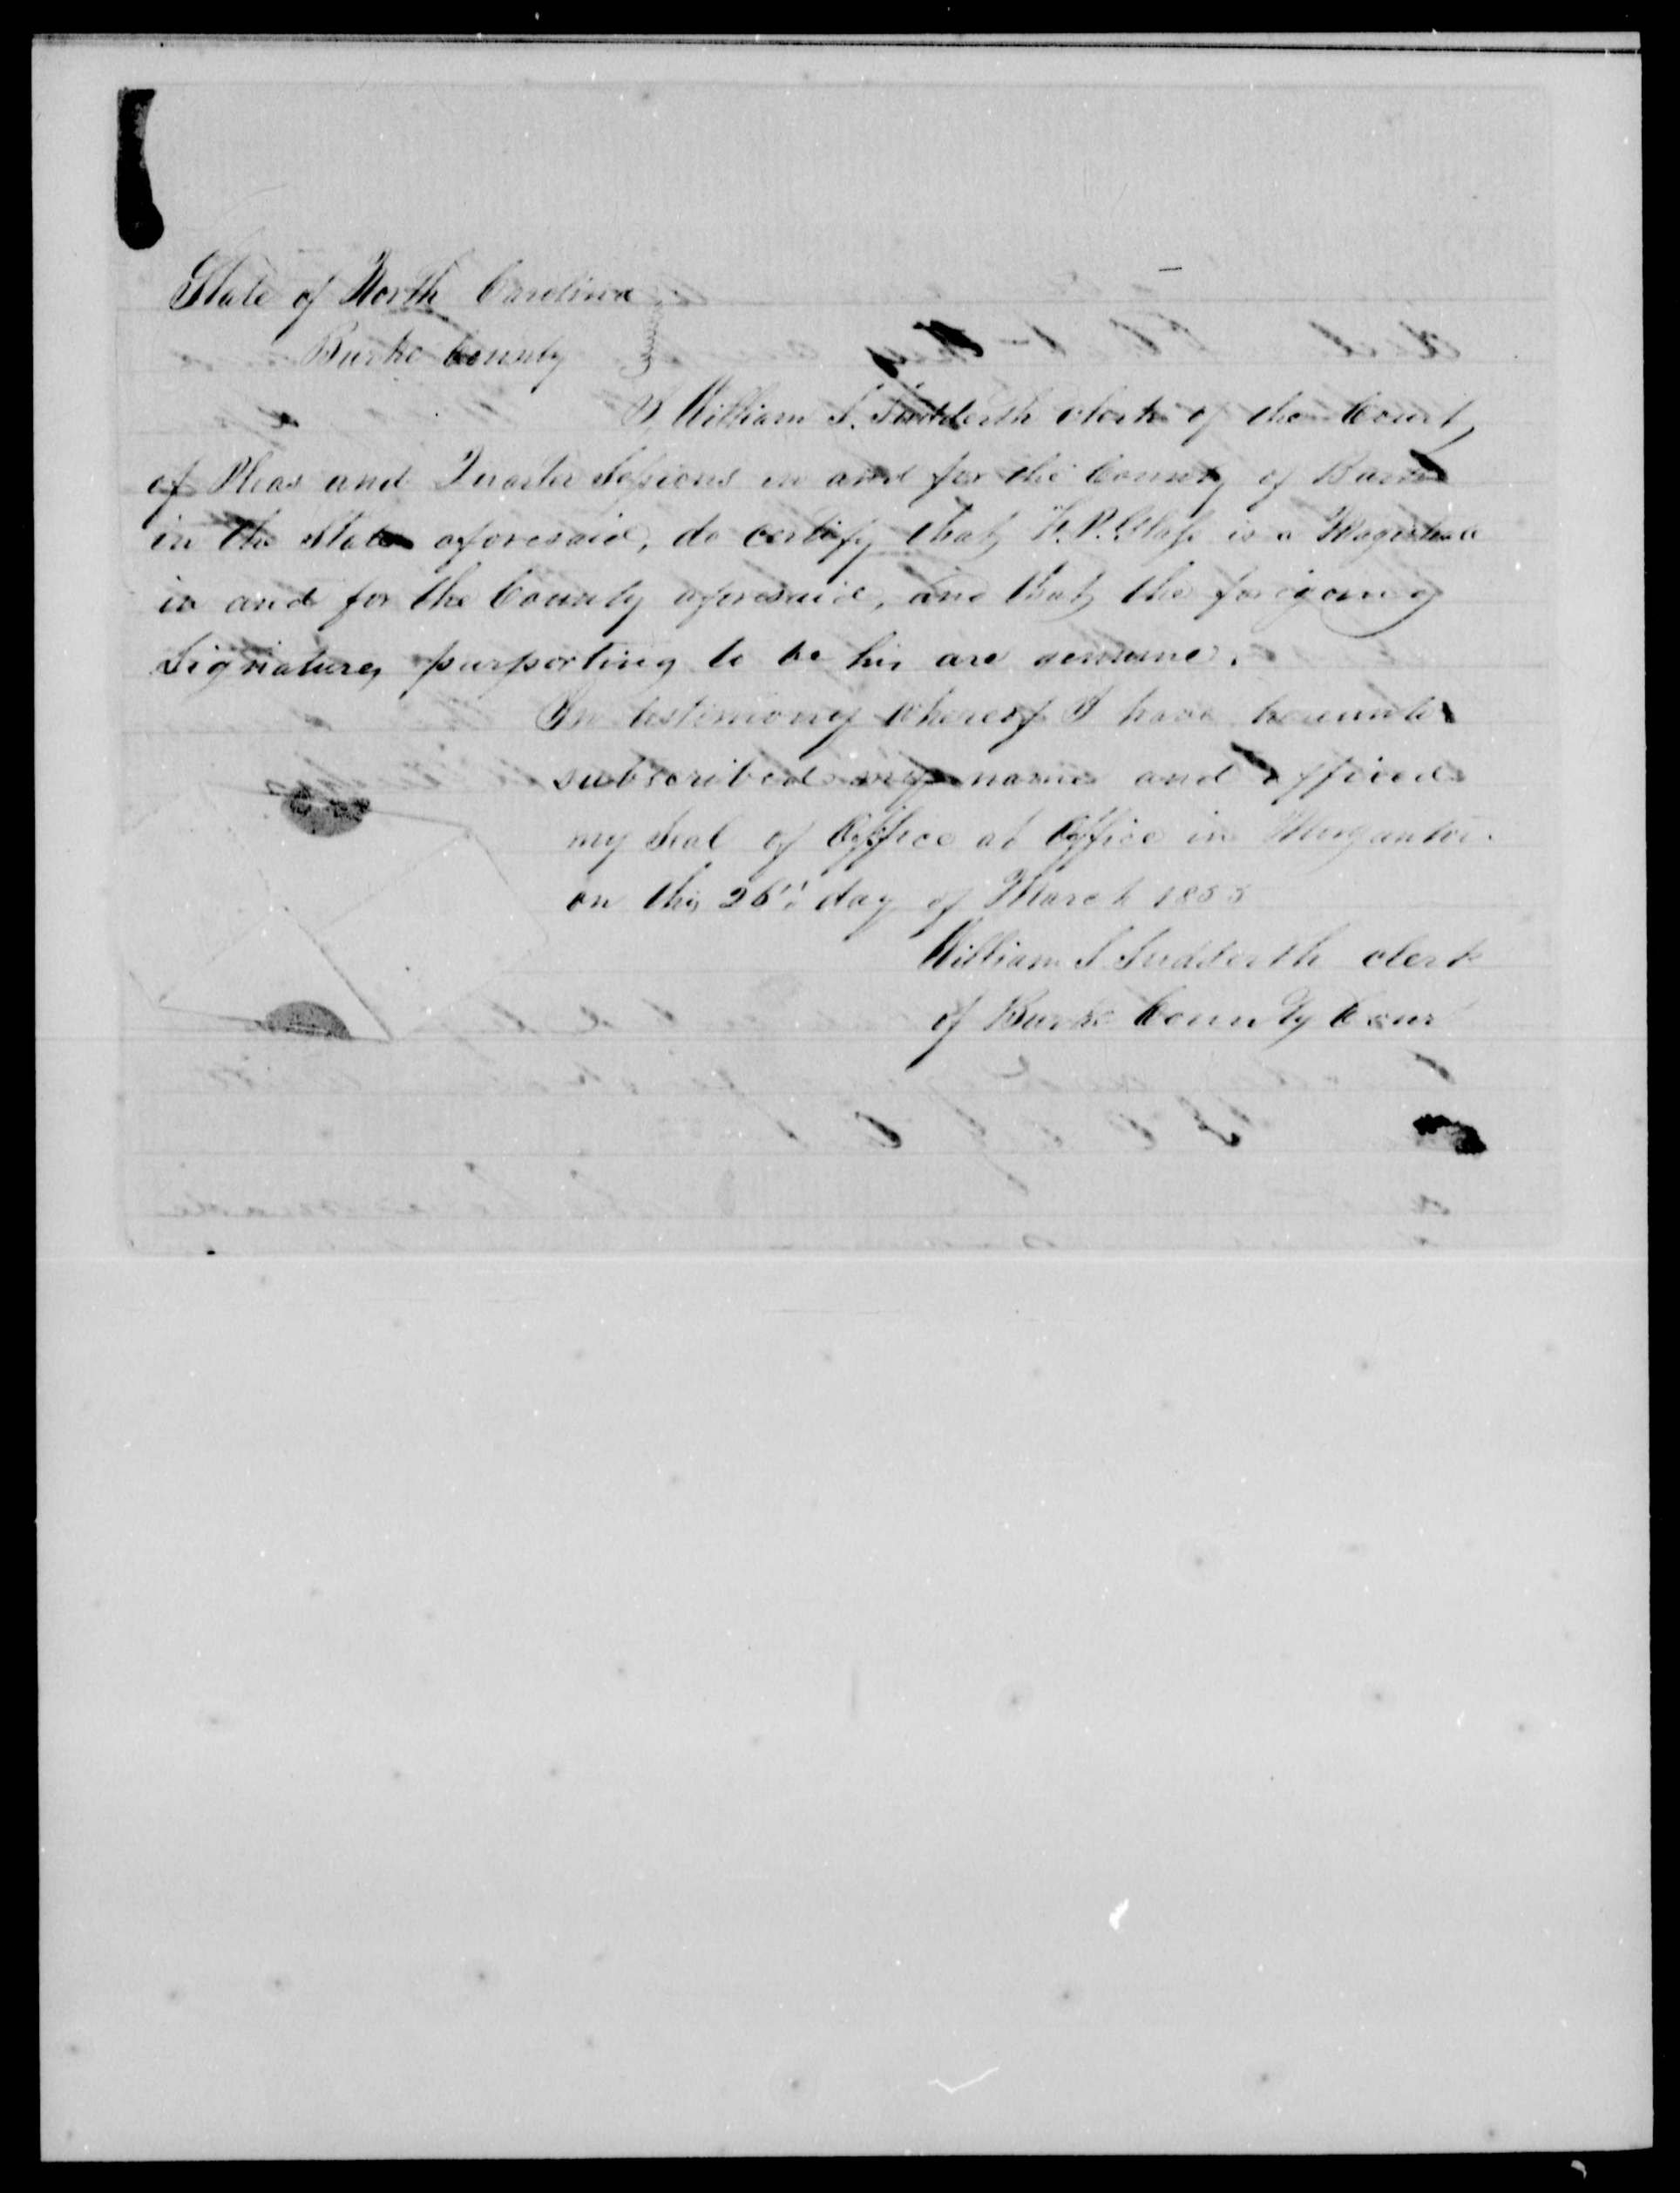State of North Carolina
Burke County
William S. Sudderth clerk of the Court
of Pleas and Quarter Sessions in and for the County of Burke
in the State aforesaid, do certify that F. P Glass is a Magistrate
in and for the County aforesaid, and that the foregoing
Signature purporting to be his are genuine
In testimony whereof I have humbe
subscribed my name and affixed
my Seal of Office at Office in Morganton
on this 26th day of March 1853
William Sudderth Clerk
of Burke County Court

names: William S Sudderth; William S Sudderth; F P Glass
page: 21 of 63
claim: widow's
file: W. 6158, for Benjamin Spencer, North Carolina